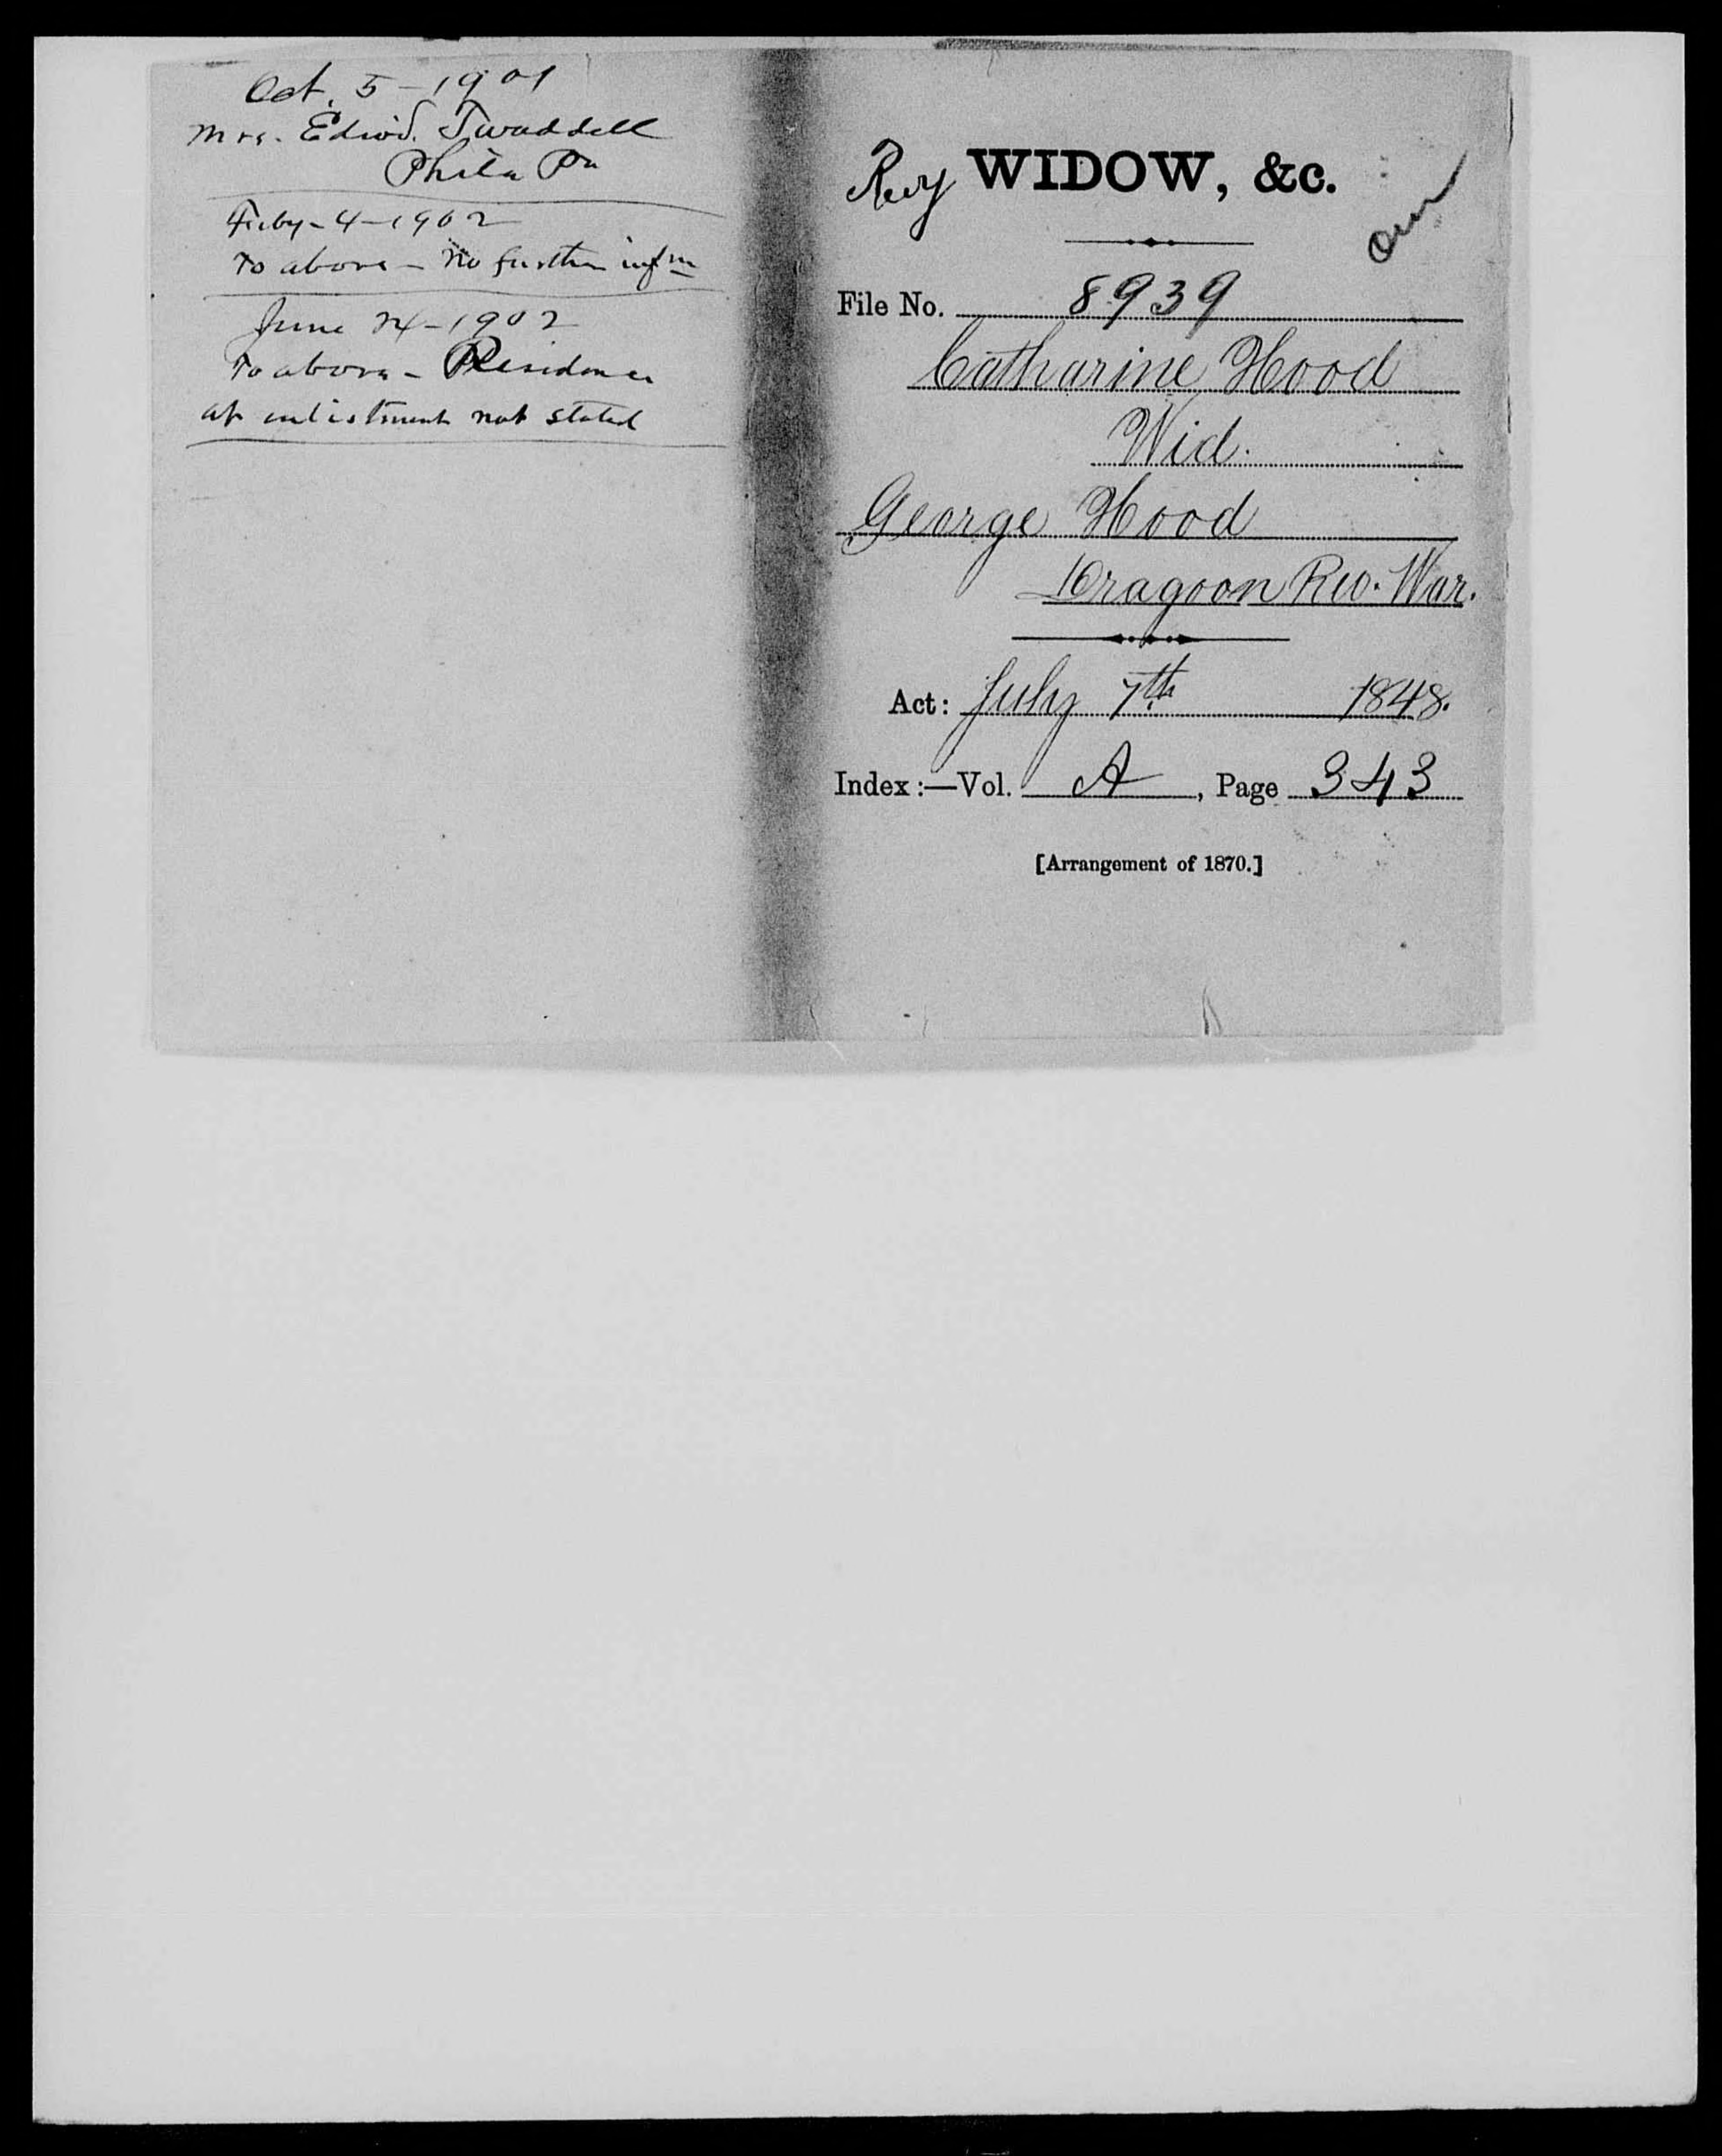October 5, 1901
Mrs. E. Twaddell 
Philadelphia, Pennsylvania
February 4, 1902
To above, no further information
June 24, 1902
To above residences as [Illegible] and stated

Revolutionary Widow
File No. 8939
Catharine Hood 
Widow 
George Hood
Dragoon Revolutionary War
Act: July 7th 1848
Index:-Vol. A, Page 343
[Arrangement of 1870]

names: George Hood, Catharine Hood, Edwd Twaddell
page: 13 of 51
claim: widow's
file: W 8939, George Hood, Continental Va.